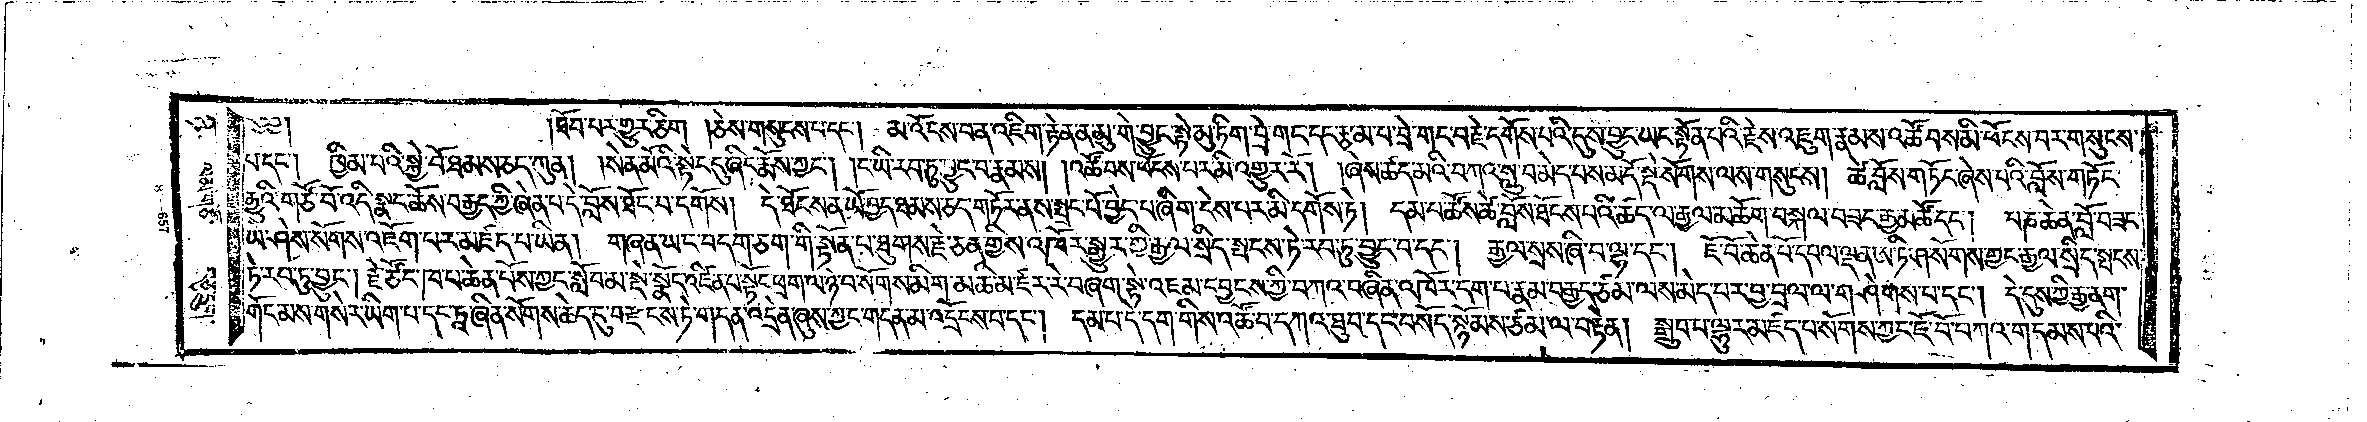༄༅། །ཐོབ་པར་གྱུར་ཅིག །ཅེས་གསུངས་པ་དང་། མ་འོངས་པ་ན་འཇིག་རྟེན་ན་མུ་གེ་བྱུང་སྟེ་མུ་ཏིག་བྲེ་གང་དང་རྩམ་པ་བྲེ་གང་བརྗེ་དགོས་པའི་དུས་བྱུང་ཡང་སྟོན་པའི་རྗེས་འཇུག་རྣམས་འཚོ་བས་མི་ཕོངས་པར་གསུངས་
པ་དང་། ཁྱིམ་པའི་སྐྱེ་བོ་ཐམས་ཅད་ཀུན། །སེན་མོའི་སྟེང་དུ་ཞིང་རྨོས་ཀྱང་། །ང་ཡི་རབ་ཏུ་བྱུང་བ་རྣམས། །འཚོ་བས་ཕོངས་པར་མི་འགྱུར་རོ། །ཞེས་ཚད་མའི་བཀའ་སླུ་བ་མེད་པས་མདོ་སྡེ་སོགས་ལས་གསུངས། ཚེ་བློས་གཏོང་ཞེས་པའི་བློས་གཏོང་
རྒྱུའི་གཙོ་བོ་འདི་སྣང་ཆོས་བརྒྱད་ཀྱི་ཞེན་པ་དེ་བློས་ཐོང་བ་དགོས། དེ་ཐོངས་ན་ཡོ་བྱད་ཐམས་ཅད་གཏོར་ནས་སྤྲང་པོ་བྱེད་པ་ཞིག་ངེས་པར་མི་དགོས་ཏེ། དམ་པ་ཚོས་ཚེ་བློས་ཐོངས་པའི་ཚད་ལ་རྒྱལ་མཆོག་བསྐལ་བཟང་རྒྱ་མཚོ་དང་། པཎ་ཆེན་བློ་བཟང་
ཡེ་ཤེས་སོགས་འཇོག་པར་མཛད་པ་ཡིན། གཞན་ཡང་བདག་ཅག་གི་སྟོན་པ་ཐུགས་རྗེ་ཅན་གྱིས་འཁོར་སྒྱུར་གྱི་རྒྱལ་སྲིད་སྤངས་ཏེ་རབ་ཏུ་བྱུང་བ་དང་། རྒྱལ་སྲས་ཞི་བ་ལྷ་དང་། ཇོ་བོ་ཆེན་པོ་དཔལ་ལྡན་ཨ་ཏི་ཤ་སོགས་ཀྱང་རྒྱལ་སྲིད་སྤངས་
ཏེ་རབ་ཏུ་བྱུང་། རྗེ་ཙོང་ཁ་པ་ཆེན་པོས་ཀྱང་སློབ་མ་སྡེ་སྣོད་འཛིན་པ་སྟོང་ཕྲག་ལ་ཉེ་བ་སོགས་མིག་མཆི་མ་ཛར་རེ་བཞག་སྟེ་འཇམ་དབྱངས་ཀྱི་བཀའ་བཞིན་འཁོར་དག་པ་རྣམ་བརྒྱད་ཙམ་ལས་མེད་པར་བྱ་བྲལ་ལ་གཤེགས་པ་དང་། དེ་དུས་ཀྱི་རྒྱ་ནག་
གོང་མས་གསེར་ཡིག་པ་དང་ཏཱ་ཞིན་སོགས་ཆེད་དུ་བརྫངས་ཏེ་གདན་འདྲེན་ཞུས་ཀྱང་གདན་མ་འདྲོངས་པ་དང་། དམ་པ་དེ་དག་གིས་འཚོ་བ་དཀའ་ཐུབ་དང་བསོད་སྙོམས་ཙམ་ལ་བརྟེན། སྒྲུབ་པ་ལྷུར་མཛད་པ་སོགས་ཀྱང་ཇོ་བོ་བཀའ་གདམས་པའི་